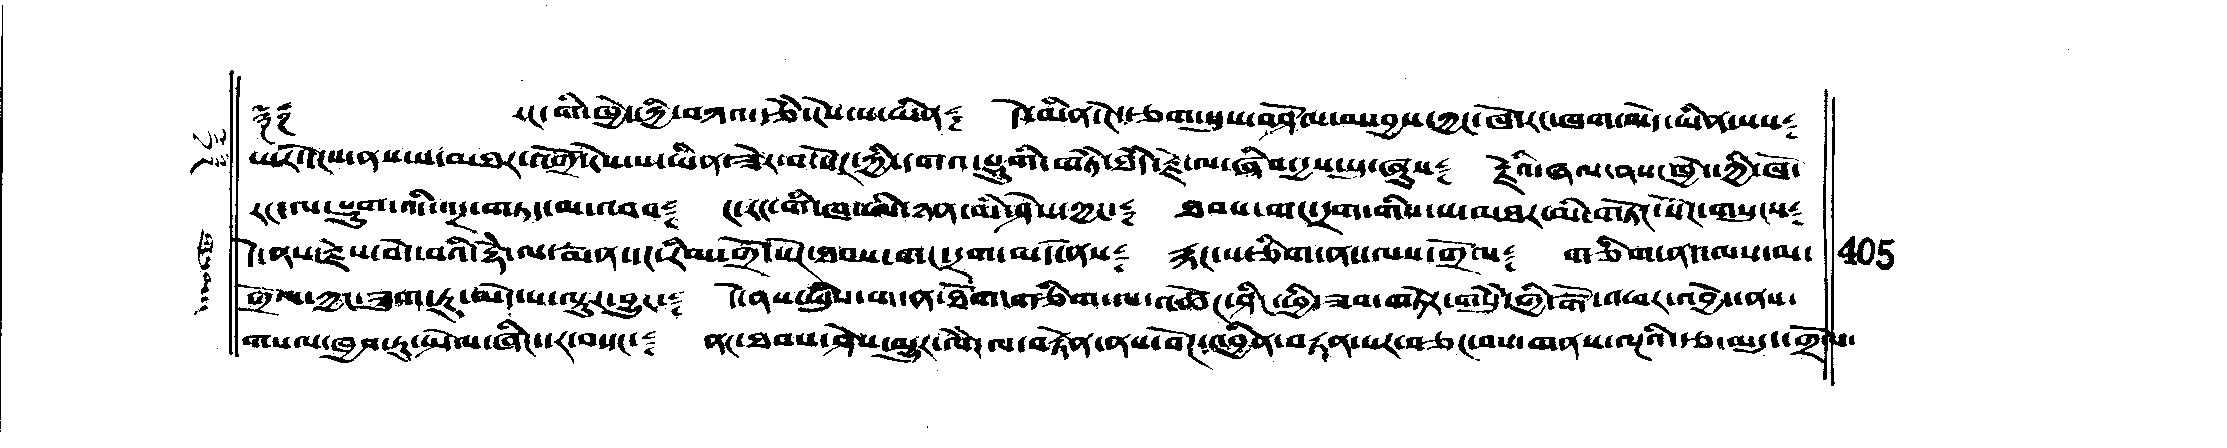རང་གི་ཁྱེད་ཀྱི་བཀའ་ཙམ་ངེས་པ་ཡིན། དེ་མིན་ངེད་ཅག་སུས་བཤོལ་མ་བྱས་ཀྱང་ཁོ་རང་ཁག་མེད་ཡིན་པས། 
ཡར་དེངས་ནས་ས་མཐར་འགྲོ་ངེས་པ་ཡིན་ཟེར་བ་སོགས་ཀྱི་དགའ་སྡུག་གི་གཏམ་ཐམས་ཅད་རྗེ་ལ་ཞིབ་རྒྱས་སུ་ཞུས། རྗེའི་ཞལ་ནས་ཁྱེད་ཀྱི་ཁོ་
རང་ལ་སྡུག་འདི་འདྲ་གཏད་མ་འབབ། ང་རང་གི་ཁ་ཨི་ཉན་མི་ཤེས་ཀྱང་། ཐབས་གང་དྲག་གིས་ས་མཐར་མི་གཏོང་སོགས་གསུངས། 
དེ་ནས་རྗེས་བདེ་བའི་རྡོ་རྗེ་ལ་སྨན་དང་རིམ་གྲོ་སོགས་ཐབས་གང་དྲག་མཛད་ནས། རྐང་པ་གཅིག་ནད་ལས་གྲོལ། གཅིག་ནད་ལས་མ་
གྲོལ་ཀྱང་ཟུག་རྔུ་མེད་པ་ལྟ་བུར་བྱུང་། དེ་ནས་ཡབ་ཡུུམ་གདན་ཐོག་གཅིག་ལ་འཚོགས་ཤིང་། ཕྱི་ཟབ་གཏེར་གསུམ་གྱི་སྒོ་འཕར་འབྱེད་ནས་
གསལ་ཁྱབ་ཏུ་སྤེལ་ཞིང་དར་བ་དང་། ནང་ཐབས་ཤེས་མྱུར་ལམ་ལ་བརྟེན་ནས་བོགས་འབྱིན་བརྟན་པར་བཅང་བས་གནས་ལྔའི་རྩ་མདུད་གྲོལ་